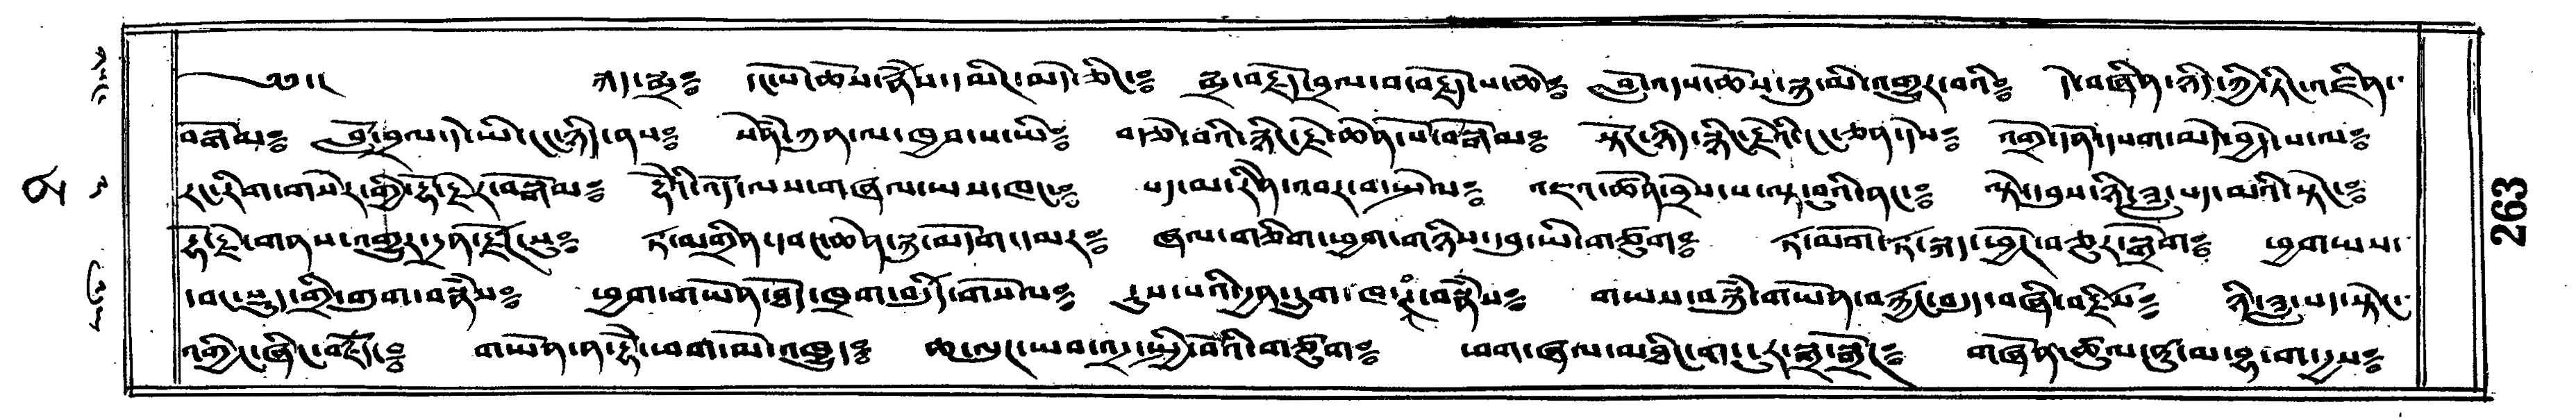སྐད་སྨྲ༔ དང་པོ་ཆོས་རྣམས་དམིགས་མེད་ཅིང༔ སྨྲ་རྗོད་བྲལ་བ་རྗོད་པ་ཆེ༔ བློ་འདས་ཆོས་སྐུ་མི་འགྱུར་བའི༔ དེ་བཞིན་ཉིད་ཀྱི་ཏིང་འཛིན་
བསྒོམ༔ བློ་བྲལ་དེ་ཡི་ངང་ཉིད་ནས༔ སེམས་ཅན་ཀུན་ལ་ཁྱབ་པ་ཡི༔ བརྩེ་བའི་སྙིང་རྗེ་ཆེན་པོ་བསྒོམ༔ སྟོང་ཉིད་སྙིང་རྗེའི་ངང་ཅན་དེས༔ འགྲོ་དོན་དཔག་མེད་བྱེད་པ་ལ༔ 
རང་རིག་གསེར་གྱི་རྡོ་རྗེར་བསྒོམ༔ རྡོ་རྗེའི་འོད་ལས་གཞལ་ཡས་ཁང༔ པདྨ་རིན་ཆེན་འབར་བ་སྤེལ༔ འཇའ་ཚོན་བྲེས་པ་ལྟ་བུའི་ནང༔ ལྟེ་དབུས་ཉི་ཟླ་པདྨའི་སྟེང༔ 
རྡོ་རྗེ་གནས་འགྱུར་དྲན་རྫོགས་སུ༔ རྟ་མགྲིན་དབང་ཆེན་སྐུ་མདོག་དམར༔ ཞལ་གཅིག་ཕྱག་གཉིས་དབུ་ཡི་གཙུག༔ རྟ་མགོ་རྟ་སྐད་ཕྱོགས་བཅུར་སྒྲོག༔ ཕྱག་གཡས་
དབང་སྡུད་གྲི་གུག་བསྣམས༔ ཕྱག་གཡོན་ཐོད་ཁྲག་བདུད་རྩི་གསོལ༔ རུས་པའི་རྒྱན་དྲུག་ཁ་ཊཱཾ་བསྣམས༔ གཡས་བསྐུམས་གཡོན་བརྐྱངས་བདུད་བཞི་བརྫིས༔ ཉི་ཟླ་པད་སྟེང་
འགྱིང་ཞིང་བརྗིད༔ གཡོན་ན་རྡོ་རྗེ་ཕག་མོ་འཁྱུད༔ ཆ་ལུགས་ཡབ་འདྲ་སྤྱི་བོའི་གཙུག༔ ཕག་ཞལ་མཐིང་ག་ངུར་སྒྲ་སྒྲོག༔ གཞོན་ཚུལ་ནུ་མ་བྷ་ག་རྒྱས༔